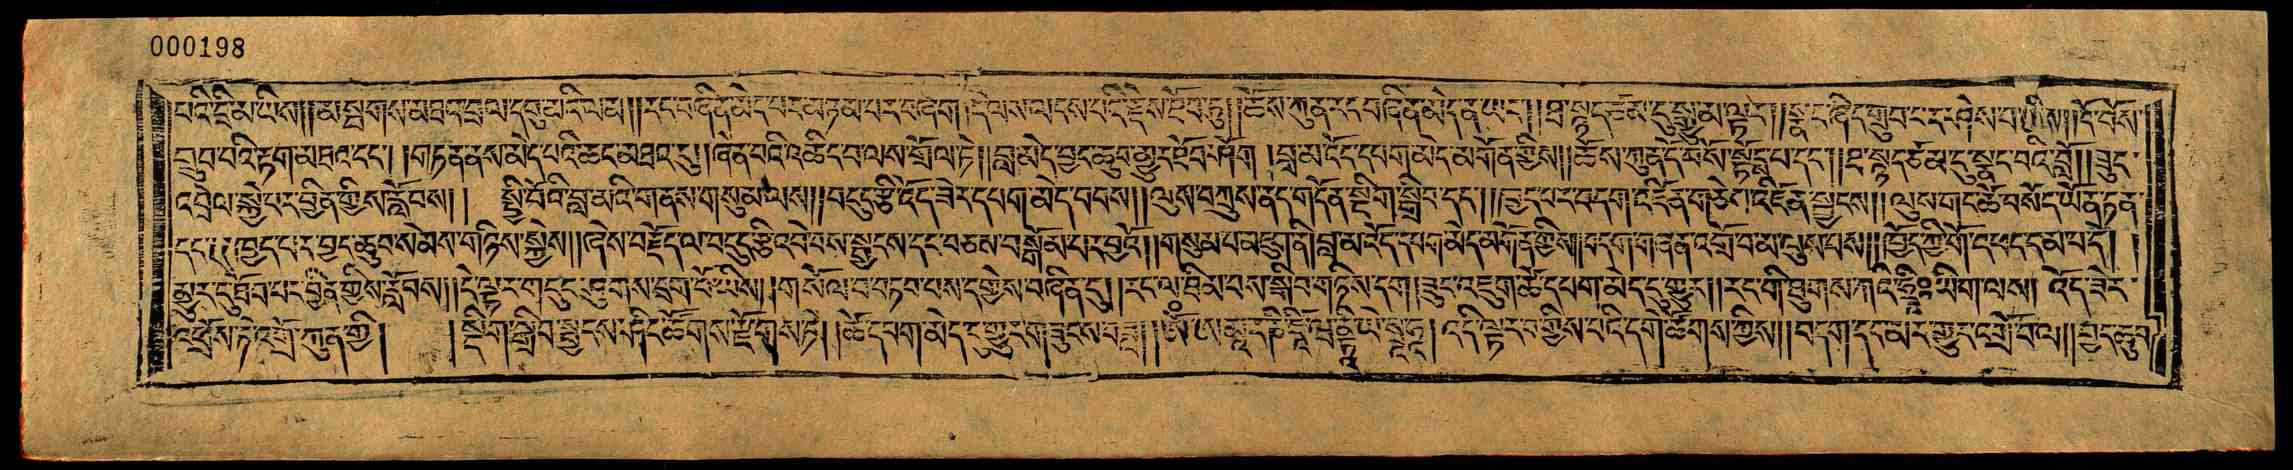པའི་དྲི་མ་ཡིས། །མ་སྤགས་མཐའ་བྲལ་དབུ་མའི་ལམ། །རང་བཞིན་མེད་པར་མཉམ་པར་བཞག །དེ་ལས་ལངས་པའི་རྗེས་ཐོབ་ཏུ། །ཆོས་ཀུན་རང་བཞིན་མེད་ན་ཡང་། །ཐ་སྙད་ཙམ་དུ་སྒྱུ་མ་ལྟར། །སྣང་ཞིང་གྲུབ་པར་ཤེས་པ་ཡིས། །ངོ་བོས་
གྲུབ་པའི་རྟག་མཐའ་དང་། །གཏན་ནས་མེད་པའི་ཆད་མཐའ་རུ། །ཞེན་པའི་འཆིང་བ་ལས་གྲོལ་ཏེ། །བླ་མེད་བྱང་ཆུབ་མྱུར་ཐོབ་ཤོག །བླ་མ་འོད་དཔག་མེད་མགོན་གྱིས། །ཆོས་ཀུན་ངོ་བོས་སྟོངས་པ་དང་། །ཐ་སྙད་ཙམ་དུ་སྣང་བའི་བློ། །ཟུང་
འབྲེལ་སྐྱེ་བར་བྱིན་གྱིས་རློབས། །སྤྱི་བོའི་བླ་མའི་གནས་གསུམ་ལས། །བདུད་རྩི་འོད་ཟེར་དཔག་མེད་བབས། །ལུས་བཀྲུས་ནད་གདོན་སྡིག་སྒྲིབ་དང་། །ཁྱད་པར་བདག་འཛིན་གཅེས་འཛིན་སྦྱངས། །ལུས་གང་ཚེ་བསོད་ཡོན་ཏན་
དང་། །ཁྱད་པར་བྱང་ཆུབ་སེམས་གཉིས་སྐྱེས། །ཞེས་བརྗོད་ལ་བདུད་རྩི་འབེབས་སྦྱངས་དང་བཅས་བསྒོམ་པར་བྱའོ། །གསུམ་པ་མཇུག་ནི། །བླ་མ་འོད་དཔག་མེད་མགོན་གྱིས། །བདག་གཞན་འགྲོ་བ་མ་ལུས་པས། །ཁྱོད་ཀྱི་གོ་འཕང་དམ་པ་དེ། །
མྱུར་དུ་ཐོབ་པར་བྱིན་གྱིས་རློབས། །དེ་ལྟར་གདུང་ཤུགས་དྲག་པོ་ཡིས། །གསོལ་བ་བཏབ་པས་དགྱེས་བཞིན་དུ། །རང་ལ་ཐིམ་པས་སྒྲིབ་གཉིས་དག །ཟུང་འཇུག་ཚེ་དཔག་མེད་དུ་གྱུར། །རང་གི་ཐུགས་ཀའི་ཧྲིཿ ཡིག་ལས། འོད་ཟེར་
འཕྲོས་ཏེ་འགྲོ་ཀུན་གྱི། །སྡིག་སྒྲིབ་སྦྱངས་ཤིང་ཚོགས་རྫོགས་ཏེ། །ཚེ་དཔག་མེད་རུ་གྱུར་གཟུངས་བཟླ། །ཨོཾ་ཨ་མཱ་ར་ཎི་ཛའི་ཝ་ནྟཱི་ཡེ་སྭཱ་ཧཱ། འདི་ལྟར་བགྱིས་པའི་དགེ་ཚོགས་ཀྱིས། །བདག་དང་མར་གྱུར་འགྲོ་བ་ལ། །བྱང་ཆུབ་